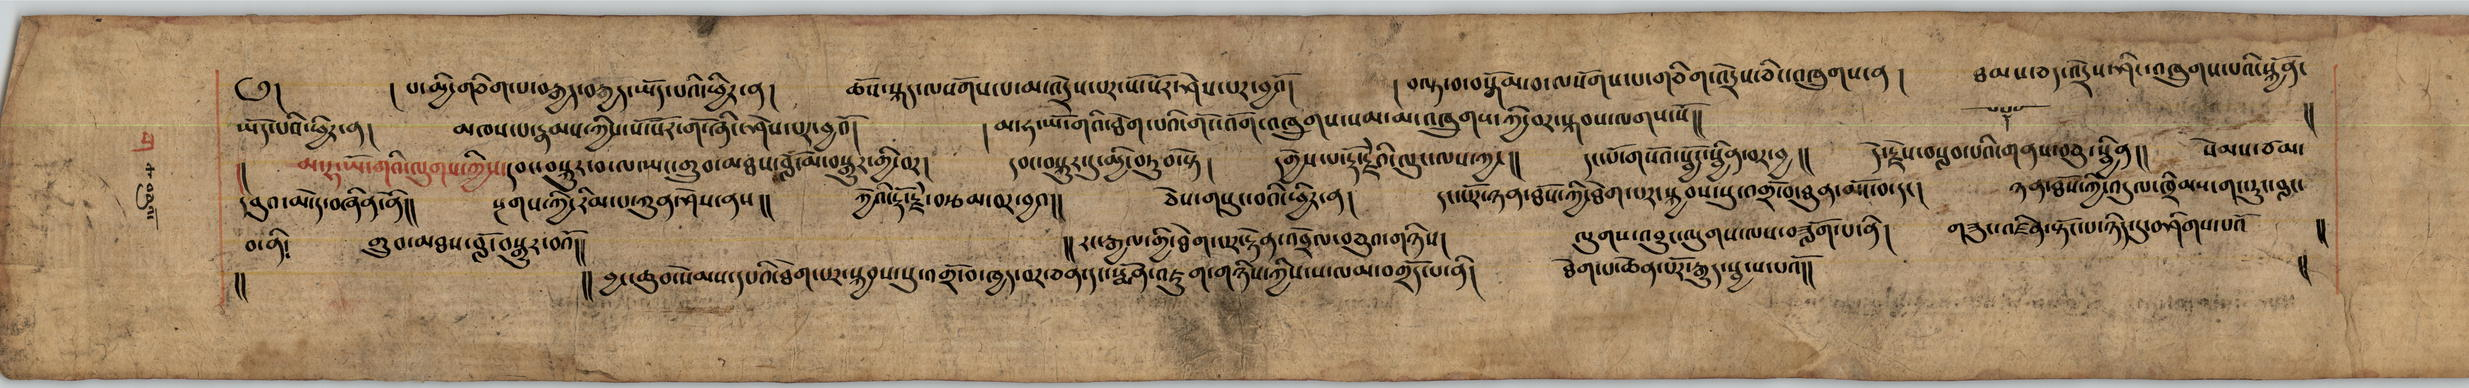༅། ། པ་མྱི་གཅིག་པ་བརྒྱད་བརྒྱད་ཡོད་པའི་ཕྱིར་ན། ཆོས་སྐད་ལསོགས་པ་མ་འདྲེས་པར་སོ་སོར་ཤེས་པར་བྱའོ། །བལྟ་བ་བསྒོམ་བ་ལསོགས་པ་གཅིག་འདྲེས་ཅིང་འཁྲུགས་ན། ཐམས་ཅད་འདྲེས་ཤིང་འཁྲུགས་པའི་སྐྱོན་
ཡོད་པའི་ཕྱིར་ན། མཁས་པ་རྣམས་ཀྱིས་སོ་སོར་གོ་ཞིང་ཤེས་པར་བྱའོ། །མ་ཧ་ཡོ་གའི་ཐེག་པའི་འོག་འཁྲུགས་སམ་མ་འཁྲུགས་ཀྱི་བར་སྐབས་ལགས་སོ།།
མ་ཧ་ཡོ་གའི་ལུགས་ཀྱིས་དབང་བསྐུར་བ་ལ་ཡང་གྲུབ་མཐས་བློ་མ་བསྒྱུར་གྱི་བར། དབང་བསྐུར་དུ་མྱི་བཏུབ་སྟེ། དགྱེས་པ་རྡོ་རྗེའི་ལུང་ལས་ཀྱང།། དང་པོ་གསོའ་སྦྱོང་སྦྱིན་བར་བྱ།། དེ་རྗེས་བསླབ་པའི་གནས་བཅུ་སྦྱིན།། སེམས་ཙམ་
དབུའ་མ་དེ་བཞིན་ནོ།། སྔགས་ཀྱི་རིམ་པ་ཀུན་ཤེས་ནས།། ཀྱེའི་རྡོ་རྗེ་བརྩམ་བར་བྱའ།། ཅེས་གསུང་བའི་ཕྱིར་ན། དང་པོར་ཉན་ཐོས་ཀྱི་ཐེག་པར་སྐྱབས་སུ་འགྲོ་བ་ཐུན་མོང་བ་དང། ཉན་ཐོས་ཀྱི་འདུལ་ཁྲིམས་གང་རུང་བླང་
བ་ནི༴ གྲུབ་མཐས་བློ་བསྒྱར་བའོ།། །།རང་རྒཡལ་གྱི་ཐེག་པར་རྟེན་འབྲེལ་བཅུའ་གཉིས། ལུགས་འབྱུང་ལུགས་ལས་བཟློག་པ་ནི། གཟུང་འཛིན་སྟོང་པ་ཉིད་དུ་བཤིགས་པའོ
།། བྱང་ཆུབ་སེམས་དཔའི་ཐེག་པར་སྐྱབས་སུ་འགྲོ་བ་ཁྱད་བར་ཅན་དང་སྨོན་འཇུག་གཉིས་ཀྱིས་ས་ལམ་བགྲོད་པ་ནི། ཐེག་པ་ཆེན་པོར་རྒྱུད་སྦྱངས་པའོ།།